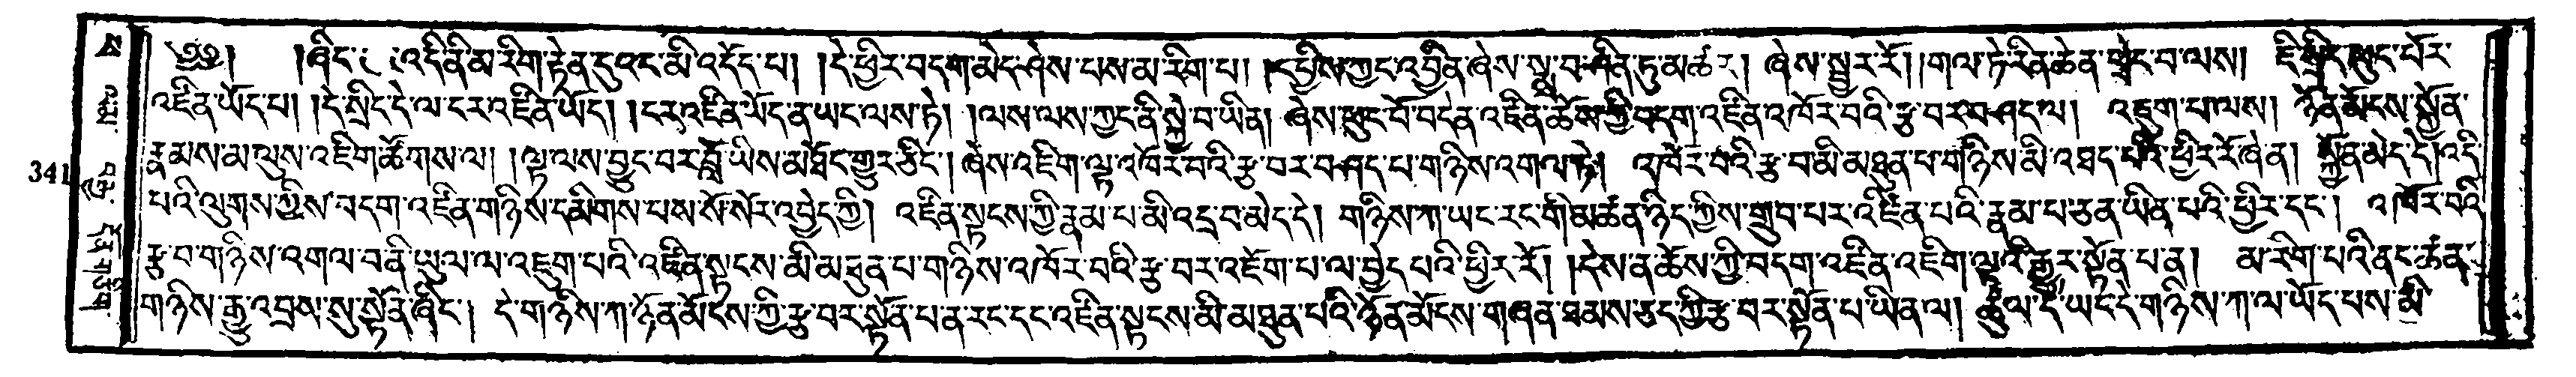༄༅། །ཞིང༑ ༑འདི་ནི་མ་རིག་རྟེན་དུའང་མི་འདོད་པ། །དེ་ཕྱིར་བདག་མེད་ཤེས་པས་མ་རིག་པ། །དཔྱིས་ཀྱང་འབྱིན་ཞེས་སྨྲ་བ་ཤིན་ཏུ་མཚར། ཞེས་སྦྱར་རོ། །གལ་ཏེ་རིན་ཆེན་ཕྲེང་བ་ལས། ཇི་སྲིད་ཕུང་པོར་
འཛིན་ཡོད་པ། །དེ་སྲིད་དེ་ལ་ངར་འཛིན་ཡོད། །ངར་འཛིན་ཡོད་ན་ཡང་ལས་ཏེ། །ལས་ལས་ཀྱང་ནི་སྐྱེ་བ་ཡིན། ཞེས་ཕུང་པོ་བདེན་འཛིན་ཆོས་ཀྱི་བདག་འཛིན་འཁོར་བའི་རྩ་བའི་རྩ་བར་བཤད་ལ། འཇུག་པ་ལས། ཉོན་མོངས་སྐྱོན་
རྣམས་མ་ལུས་འཇིག་ཚོགས་ལ། །ལྟ་ལས་བྱུང་བར་བློ་ཡིས་མཐོང་གྱུར་ཅིང་། །ཞེས་འཇིག་ལྟ་འཁོར་བའི་རྩ་བར་བཤད་པ་གཉིས་འགལ་ཏེ། འཁོར་བའི་རྩ་བ་མི་མཐུན་པ་གཉིས་མི་འཐད་པའི་ཕྱིར་རོ་ཞེ་ན། སྐྱོན་མེད་དེ། འདི་
པའི་ལུགས་ཀྱིས་བདག་འཛིན་གཉིས་དམིགས་པས་སོ་སོར་འབྱེད་ཀྱི། འཛིན་སྟངས་ཀྱི་རྣམ་པ་མི་འདྲ་བ་མེད་དེ། གཉིས་ཀ་ཡང་རང་གི་མཚན་ཉིད་ཀྱིས་གྲུབ་པར་འཛིན་པའི་རྣམ་པ་ཅན་ཡིན་པའི་ཕྱིར་དང་། འཁོར་བའི་
རྩ་བ་གཉིས་འགལ་བ་ནི་ཡུལ་ལ་འཇུག་པའི་འཛིན་སྟངས་མི་མཐུན་པ་གཉིས་འཁོར་བའི་རྩ་བར་འཇོག་པ་ལ་བྱེད་པའི་ཕྱིར་རོ། །དེས་ན་ཆོས་ཀྱི་བདག་འཛིན་འཇིག་ལྟའི་རྒྱུར་སྟོན་པ་ན། མ་རིག་པའི་ནང་ཚན་
གཉིས་རྒྱུ་འབྲས་སུ་སྟོན་ཞིང་། དེ་གཉིས་ཀ་ཉོན་མོངས་ཀྱི་རྩ་བར་སྟོན་པ་ན་རང་དང་འཛིན་སྟངས་མི་མཐུན་པའི་ཉོན་མོངས་གཞན་ཐམས་ཅད་ཀྱི་རྩ་བར་སྟོན་པ་ཡིན་ལ། ཚུལ་དེ་ཡང་དེ་གཉིས་ཀ་ལ་ཡོད་པས་མི་